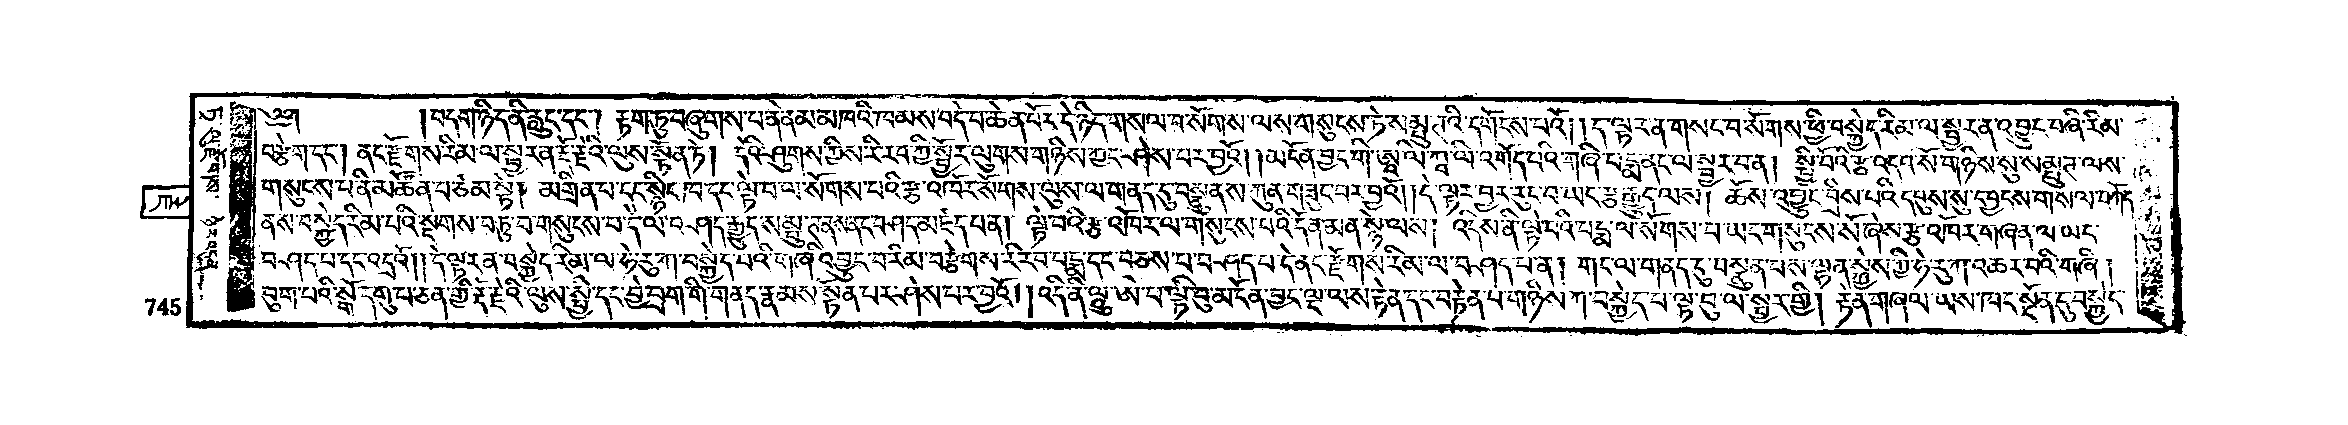༄༅། །བདག་ཉིད་ནི་རླུང་དང་། རྟག་ཏུ་བཞུགས་པ་ནི་ནམ་མཁའི་ཁམས་བདེ་བ་ཆེན་པོར་དེ་ཉིད་གསལ་བ་སོགས་ལས་གསུངས་ཏེ་སམྦུ་ཊའི་དགོངས་པའོ། །ད་ལྟར་ན་གསང་བ་སོགས་ཕྱི་བསྐྱེད་རིམ་ལ་སྦྱར་ན་འབྱུང་བཞི་རིམ་
བརྩེག་དང་། ནང་རྫོགས་རིམ་ལ་སྦྱར་ན་རྡོ་རྗེའི་ལུས་སྟོན་ཏེ། དེའི་ཤུགས་ཀྱིས་རི་རབ་ཀྱི་སྦྱོར་ལུགས་གཉིས་ཀྱང་ཤེས་པར་བྱའོ། །མངོན་བྱང་གི་ཨཱ་ལི་ཀཱ་ལི་འགོད་པའི་གཞི་པདམ་ནང་ལ་སྦྱར་བ་ན། སྤྱི་བོའི་རྩ་འདབ་སོ་གཉིས་སུ་སམྤུ་ཊ་ལས་
གསུངས་པ་ནི་མཚོན་པ་ཙམ་སྟེ། མགྲིན་པ་དང་སྙིང་ཁ་དང་ལྟེ་བ་ལ་སོགས་པའི་རྩ་འཁོར་སོགས་ལུས་ལ་གནད་དུ་བསྣུན་ས་ཀུན་གཟུང་བར་བྱའོ། །དེ་ལྟར་བྱར་རུང་བ་ཡང་རྩ་རྒྱུད་ལས། ཆོས་འབྱུང་བྲིས་པའི་དབུས་སུ་དབྱངས་གསལ་བཀོད་
ནས་བསྐྱེད་རིམ་པའི་སྔགས་བཏུ་པ་གསུངས་པ་དེ་ལ་བཤད་རྒྱུད་སམྤུ་ཊ་ནས་ནང་བཤད་མཛད་པ་ན། ལྟེ་བའི་རྩ་འཁོར་ལ་གསུངས་པའི་དོན་མན་སྙེ་ལས། འདིས་ནི་ལྟེ་བའི་པདམ་ལ་སོགས་པ་ཡང་གསུངས་སོ་ཞེས་རྩ་འཁོར་གཞན་ལ་ཡང་
བཤད་པ་དང་འདྲའོ། །དེ་ལྟར་ན་བསྐྱེད་རིམ་ལ་ཧེ་རུ་ཀ་བསྐྱེད་པའི་གཞི་འབྱུང་བ་རིམ་བརྩེགས་རི་རབ་པདམ་དང་བཅས་པ་བཤད་པ་དེ་ནང་རྫོགས་རིམ་ལ་བཤད་པ་ན། གང་ལ་གནད་དུ་བསྣུན་པས་ལྷན་སྐྱེས་ཀྱི་ཧེ་རུ་ཀ་འཆར་བའི་གཞི།
བུག་པའི་སྒོ་དགུ་པ་ཅན་གྱི་རྡོ་རྗེའི་ལུས་སྤྱི་དང་བྱེ་བྲག་གི་གནད་རྣམས་སྟོན་པར་ཤེས་པར་བྱའོ། །འདི་ནི་ལཱུ་ཨེ་པ་ལྟ་བུ་མངོན་བྱང་ལྔ་ལས་རྟེན་དང་བརྟེན་པ་གཉིས་ཀ་བསྐྱེད་པ་ལྟ་བུ་ལ་སྦྱར་གྱི། རྟེན་གཞལ་ཡས་ཁང་སྔོན་དུ་བསྐྱེད་